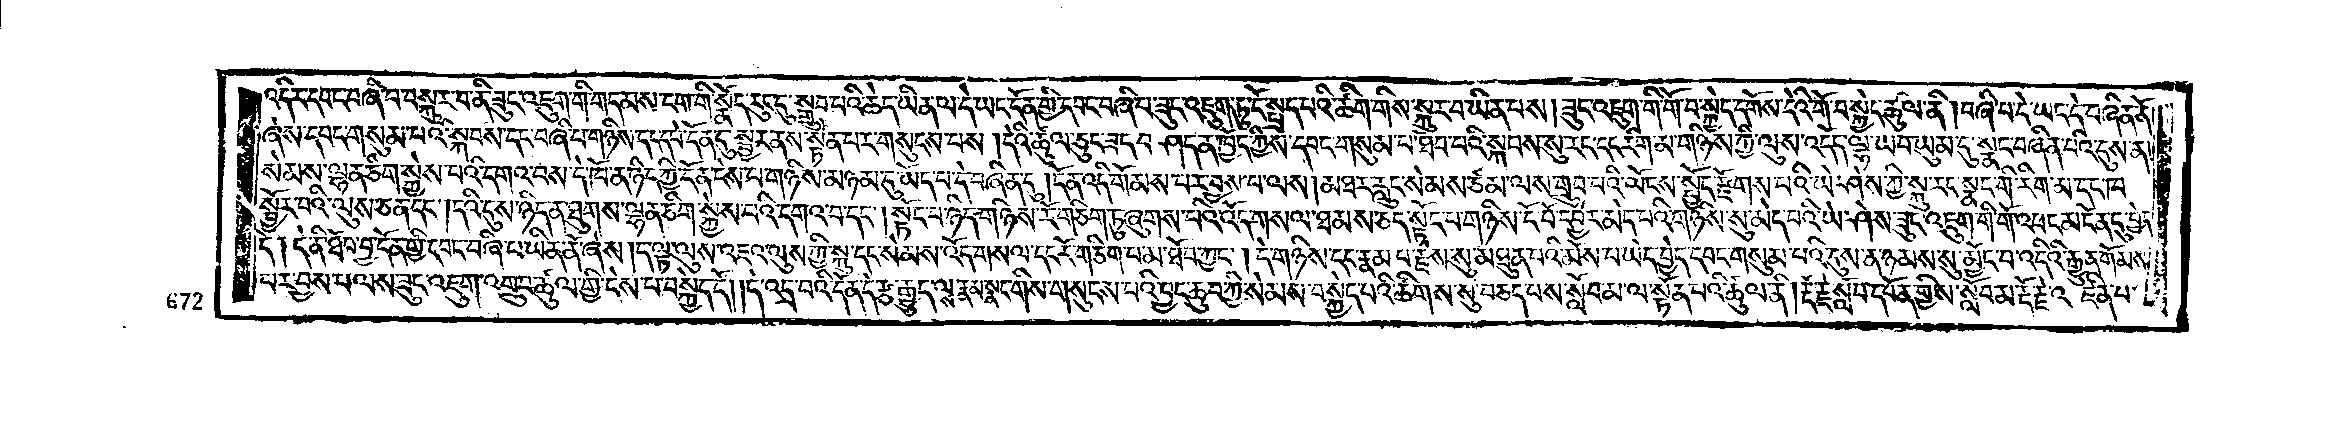འདིར་དབང་བཞི་པ་བསྐུར་བ་ནི་ཟུང་འཇུག་གི་གདམས་ངག་གི་སྣོད་རུང་དུ་སྒྲུབ་པའི་ཆེད་ཡིན་ལ་དེ་ཡང་དོན་གྱི་དབང་བཞི་པ་ཟུང་འཇུག་ཏུ་ངོ་སྤྲད་པའི་ཚིག་གིས་སྐུར་བ་ཡིན་པས། ཟུང་འཇུག་གི་གོ་བ་སྐྱེད་དགོས་དེའི་གོ་བ་སྐྱེད་ཚུལ་ནི། བཞི་པ་དེ་ཡང་དེ་བཞིན་ནོ་
ཞེས་དབང་གསུམ་པའི་སྐབས་དང་བཞི་པ་གཉིས་དང་དཔེ་དོན་དུ་སྦྱར་ནས་སྟོན་པར་གསུངས་པས། དེའི་ཚུལ་ཅུང་ཟད་བཤད་ན་ཁྱོད་ཀྱིས་དབང་གསུམ་པ་ཐོབ་པའི་སྐབས་སུ་རང་དང་རིག་མ་གཉིས་ཀྱི་ལུས་འདོད་ལྷ་ཡབ་ཡུམ་དུ་སྣང་བཞིན་པའི་དུས་ན།
སེམས་ལྷན་ཅིག་སྐྱེས་པའི་དགའ་བས་དེ་ཁོ་ན་ཉིད་ཀྱི་དོན་ངེས་པ་གཉིས་མཉམ་དུ་ཡོད་པ་དེ་བཞིན་དུ། དོན་འདི་གོམས་པར་བྱས་པ་ལས། མཐར་རླུང་སེམས་ཙམ་ལས་གྲུབ་པའི་ལོངས་སྤྱོད་རྫོགས་པའི་ཡེ་ཤེས་ཀྱི་སྐུ་རང་སྣང་གི་རིག་མ་དང་ཁ་
སྦྱོར་བའི་ལུས་ཅན་དང་། དའི་དུས་ཉིད་ན་ཐུགས་ལྷན་ཅིག་སྐྱེས་པའི་དགའ་བ་དང་། སྟོང་པ་ཉིད་གཉིས་རོ་གཅིག་ཏུ་ཞུགས་པའི་འོད་གསལ་ཐམས་ཅད་སྟོང་པ་གཉིས་ངོ་བོ་དབྱེར་མེད་པའི་གཉིས་སུ་མེད་པའི་ཡེ་ཤེས་ཟུང་འཇུག་གི་གོ་འཕང་མངོན་དུ་བྱེད་
དེ། དེ་ནི་ཐོབ་བྱ་དོན་གྱི་དབང་བཞི་པ་ཡིན་ནོ་ཞེས། ད་ལྟ་ལུས་འཇའ་ལུས་ཀྱི་སྐུ་དང་སེམས་འོད་གསལ་དང་རོ་གཅིག་པ་མ་ཐོབ་ཀྱང་། དེ་གཉིས་དང་རྣམ་པ་རྗེས་སུ་མཐུན་པའི་མོས་པ་ཡིད་བྱེད་དབང་གསུམ་པའི་དུས་ན་ཉམས་སུ་མྱོང་བ་འདིའི་རྒྱུན་གོམས་
པར་བྱས་པ་ལས་ཟུང་འཇུག་འགྲུབ་ཚུལ་གྱི་ངེས་པ་བསྐྱེད་དོ། །དེ་འདྲ་བའི་དོན་དེ་རྩ་རྒྱུད་ལས་རྣམ་སྣང་གིས་གསུངས་པའི་བྱང་ཆུབ་ཀྱི་སེམས་བསྐྱེད་པའི་ཚིགས་སུ་བཅད་པས་སློབ་མ་ལ་སྟོན་པའི་ཚུལ་ནི། རྡོ་རྗེ་སློབ་དཔོན་གྱིས་སློབ་མ་རྡོ་རྗེ་འཛིན་པ་